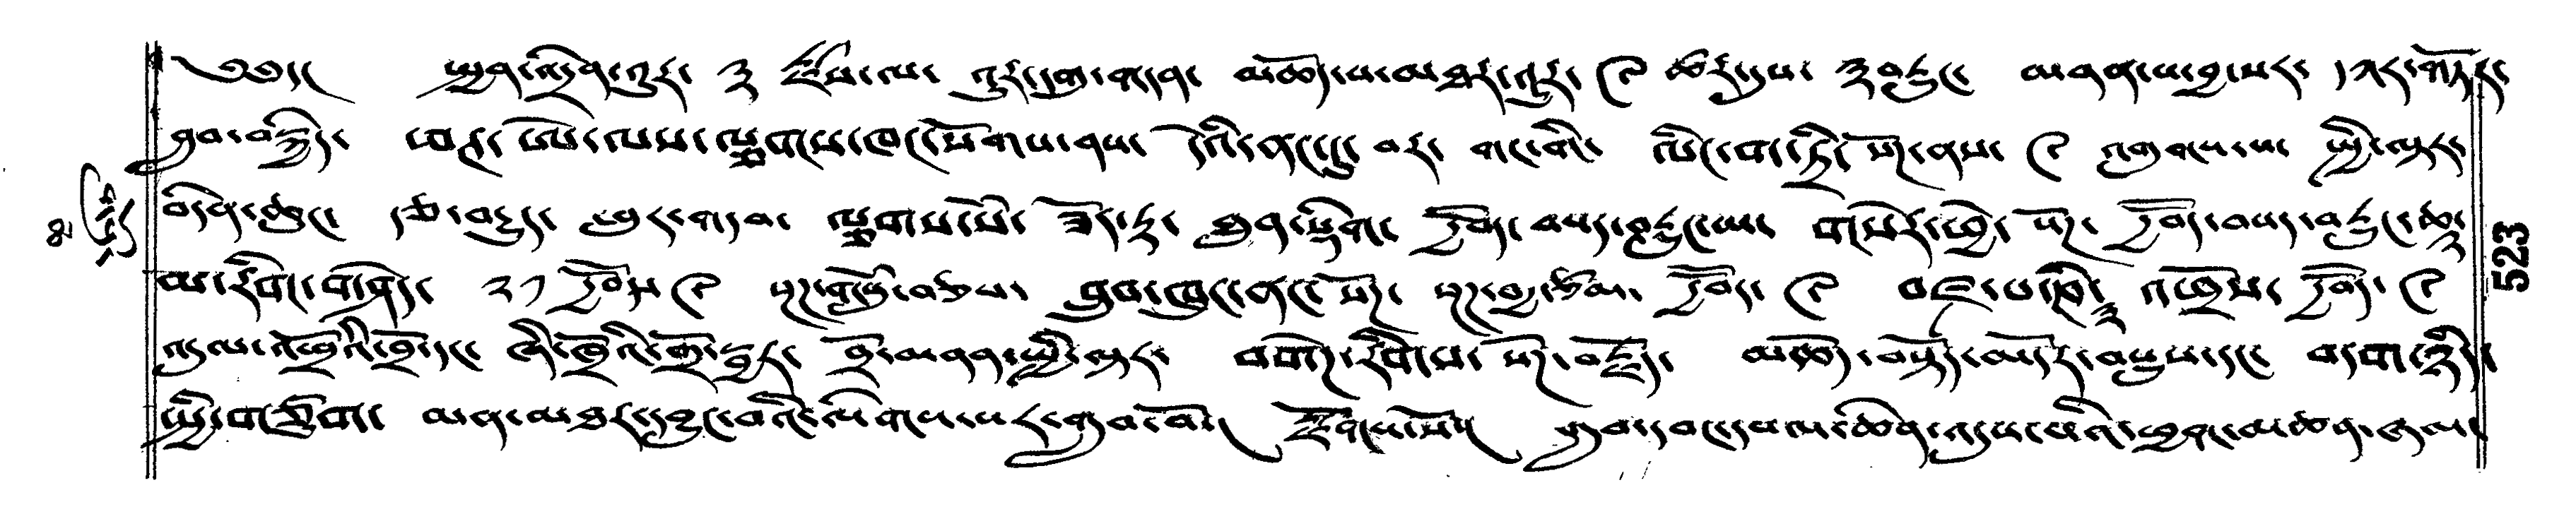སྤྱན་འདྲེན། འུར་གསུམ། རྫས་ལ་འུར་དགུ་གདན། མཆོད་པའི་མཐར་འུར་དགུ། ཚར་དུས་གསུམ་རྡུང་། མནན་པ་བྱ་སར། དཀར་གཏོར་
བྲུབ་བསྐྱེད། ཕཊཿཨེ་ལས་ལྕགས་ཁང༴ སོགས་ནས། དེའི་ནང་དུ༴ བར། གོང་གི ལིང་ག་ཏྲི༴ སོགས་ནས། དགུ། འགུགས་པ། སྤྱི་ལྟར་
བདེན་ཆུང་། རྩ་བརྒྱུད། ཕུར་གདབ། ལྕགས་སམ༴ ཟོར་རྟ། ཐུན་རྡེག རྒྱོབ་སོད་བསད་བརྡུང་ཡ། གསེར་ཕྱེ༴ སོགས། རྒྱོབ་སོད་བསད་རྡུང་ཆ་གཉིས། 
མ་རིག་གཤེད༴ ཉེར་གཅིག རྒྱོབ་སོད་དགུ། སྔགས་གསུམ་བཅས། བྲུབ་ཁུང་ནང༴ སོགས། སྔགས་བརྒྱ་ཙམ། རྒྱོབ་སོད་དགུ། བཛྲ་པ་ཎི༴ གསུམ། འཕྲོས། རྒྱོབ་སོད་དགུ། 
འདུལ་འཕྲོའི་བྲོ་དང་། ཞི་ཁྲོའི་བྲོ་སྦྱར། བྲོ་མནན་སྤྱི་ལྟར། བགེགས་རིགས༴ སོགས་བརྗོད། མཆོད་བསྟོད་མདོར་བསྡུས་དང་། བདག་ཉིད་
སྤྱི་གཙུག༴ མན་མཐར་དབྱུང་བས་ལེགས་པར་གྲུབ་བོ།། གྲུབ་དབང་དཔལ་ཆེན་འདུས་པའི་ཕྱག་མཆན་ལས་ཞལ་